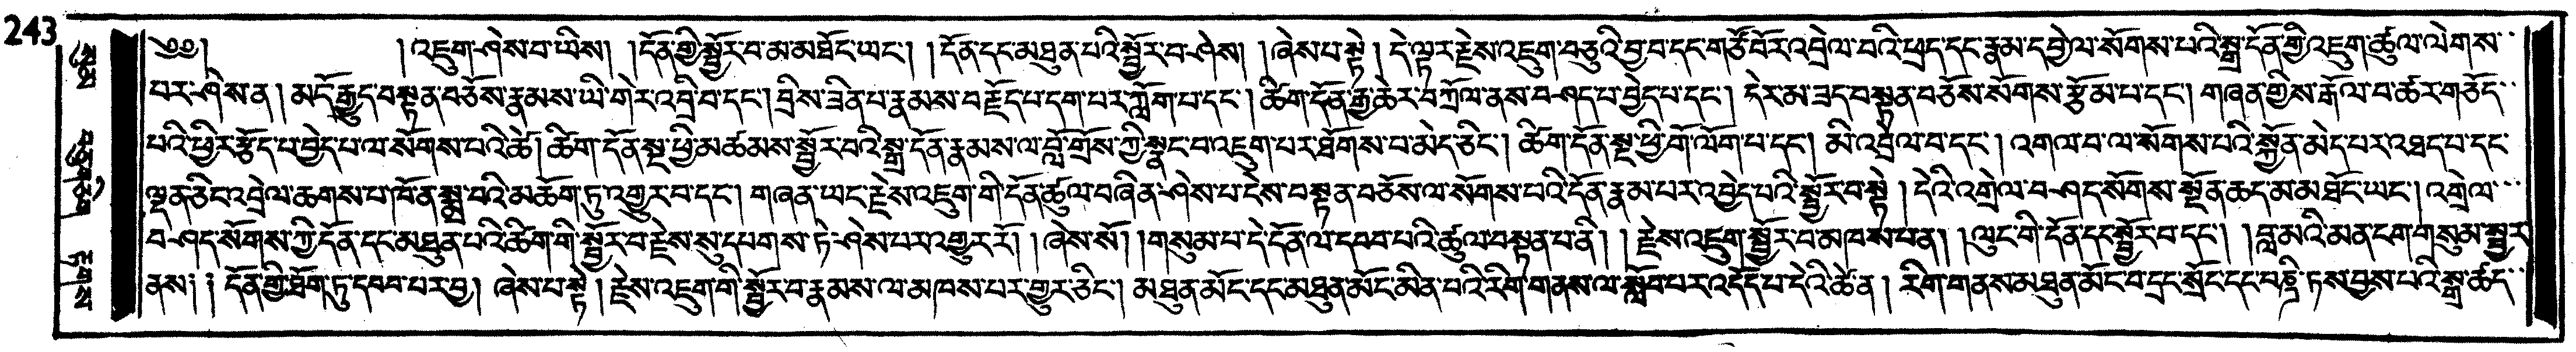༄༅། །འཇུག་ཤེས་བ་ཡིས། །དོན་གྱི་སྦྱོར་བ་མ་མཐོང་ཡང་། །དོན་དང་མཐུན་པའི་སྦྱོར་བ་ཤེས། །ཞེས་པ་སྟེ། དེ་ལྟར་རྗེས་འཇུག་བཅུའི་བྱ་བ་དང་གཙོ་བོར་འབྲེལ་བའི་ཕྲད་དང་རྣམ་དབྱེ་ལ་སོགས་པའི་སྒྲ་དོན་གྱི་འཇུག་ཚུལ་ལེགས་
པར་ཤེས་ན། མདོ་རྒྱུད་བསྟན་བཅོས་རྣམས་ཡི་གེར་འབྲི་བ་དང་། བྲིས་ཟིན་པ་རྣམས་བརྗོད་པ་དག་པར་ཀློག་པ་དང་། ཚིག་དོན་རྒྱ་ཆེར་བཀྲོལ་ནས་བཤད་པ་བྱེད་པ་དང་། དེར་མ་ཟད་བསྟན་བཅོས་སོགས་རྩོམ་པ་དང་། གཞན་གྱིས་རྒོལ་བ་ཚར་གཅོད་
པའི་ཕྱིར་རྩོད་པ་བྱེད་པ་ལ་སོགས་པའི་ཚེ། ཚིག་དོན་སྔ་ཕྱི་མཚམས་སྦྱོར་བའི་སྒྲ་དོན་རྣམས་ལ་བློ་གྲོས་ཀྱི་སྣང་བ་འཇུག་པར་ཐོགས་པ་མེད་ཅིང་། ཚིག་དོན་སྔ་ཕྱི་གོ་ལོག་པ་དང་། མི་འབྲེལ་བ་དང་། འགལ་བ་ལ་སོགས་པའི་སྐྱོན་མེད་པར་འཐད་པ་དང་
ལྡན་ཅིང་འབྲེལ་ཆགས་པ་ཁོ་ན་སྨྲ་བའི་མཆོག་ཏུ་འགྱུར་བ་དང་། གཞན་ཡང་རྗེས་འཇུག་གི་དོན་ཚུལ་བཞིན་ཤེས་པ་ངེས་བསྟན་བཅོས་ལ་སོགས་པའི་དོན་རྣམ་པར་འབྱེད་པའི་སྦྱོར་བ་སྟེ། དེའི་འགྲེལ་བཤད་སོགས་སྔོན་ཆད་མ་མཐོང་ཡང་། འགྲེལ་
བཤད་སོགས་ཀྱི་དོན་དང་མཐུན་པའི་ཚིག་གི་སྦྱོར་བ་རྗེས་སུ་དཔགས་ཏེ་ཤེས་པར་འགྱུར་རོ། །ཞེས་སོ། །གསུམ་པ་དེ་དོན་ལ་དབབ་པའི་ཚུལ་བསྟན་པ་ནི། །རྗེས་འཇུག་སྦྱོར་བ་མཁས་པ་ན། །ལུང་གི་དོན་དང་སྦྱོར་བ་དང་། །བླ་མའི་མན་ངག་གསུམ་སྦྱར་
ནས༑ ༑དོན་གྱི་ཐོག་ཏུ་དབབ་པར་བྱ། ཞེས་པ་སྟེ། རྗེས་འཇུག་གི་སྦྱོར་བ་རྣམས་ལ་མཁས་པར་གྱུར་ཅིང་། མཐུན་མོང་དང་མཐུན་མོང་མིན་པའི་རིག་གནས་ལ་སློབ་པར་འདོད་པ་དེའི་ཚེ་ན། རིག་གནས་མཐུན་མོང་བ་དྲང་སྲོང་དང་པཎྜི་ཏས་བྱས་པའི་སྒྲ་ཚད་